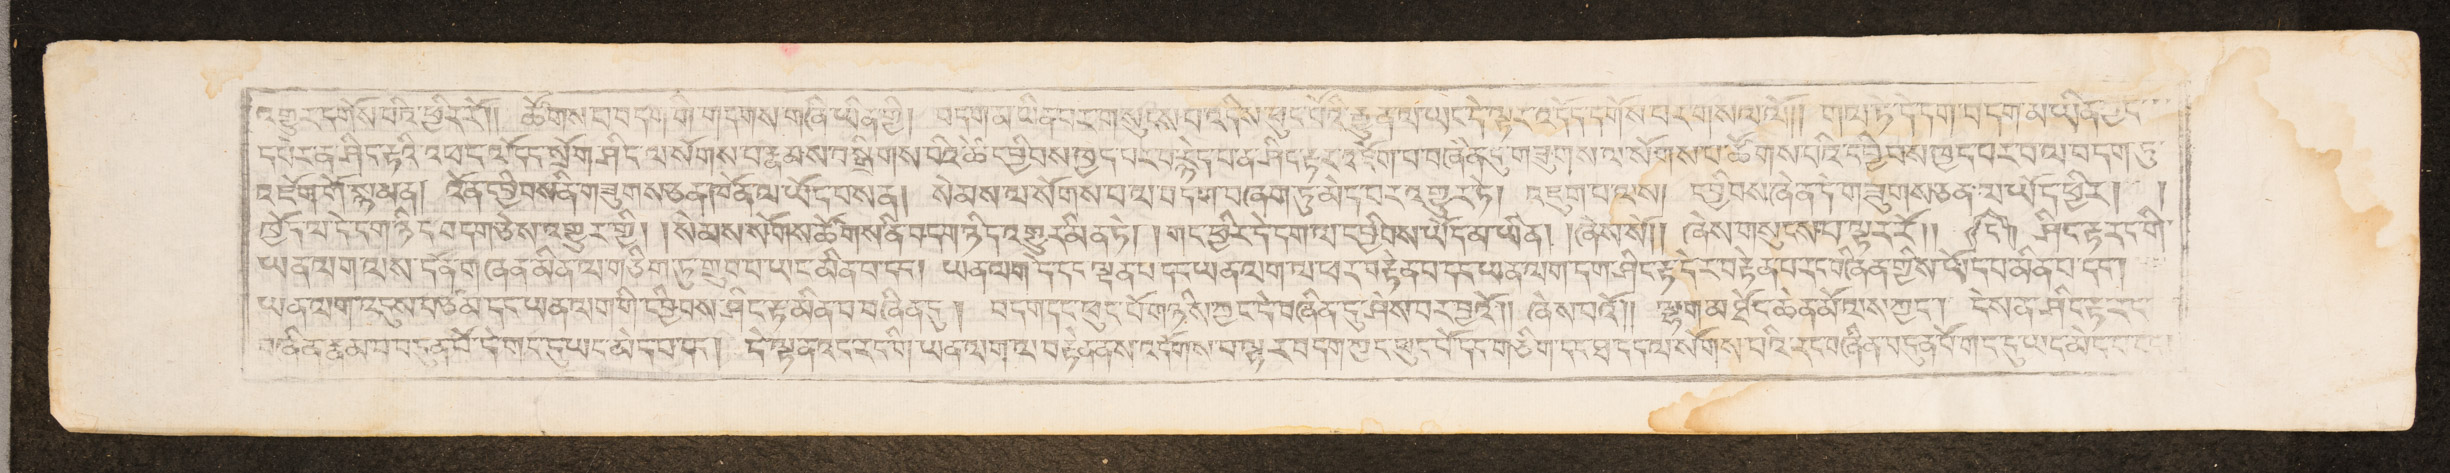འགྱུར་དགོས་པའི་ཕྱིར་རོ།། ཚོགས་པ་བདག་གི་གདགས་གཞི་ཡིན་གྱི། བདག་མ་ཡིན་པར་གསུངས་པ་འདིས་ཕུང་པོའི་རྒྱུན་ལ་ཡང་དེ་ལྟར་འདོད་དགོས་པར་གསལ་ལོ།། གལ་ཏེ་དེ་དག་བདག་མ་ཡིན་ཀྱང་
དཔེར་ན་ཤིང་རྟའི་འཕང་ལོ་དང་སྲོག་ཤིང་ལ་སོགས་པ་རྣམས་བསྒྲིགས་པའི་ཚེ་དབྱིབས་ཁྱད་པར་བརྙེད་པ་ན་ཤིང་རྟར་འཇོག་པ་བཞིན་དུ་གཟུགས་ལ་སོགས་པ་ཚོགས་པའི་དབྱིབས་ཁྱད་པར་བ་ལ་བདག་ཏུ་
འཇོག་གོ་སྙམ་ན། འོ་ན་དབྱིབས་ནི་གཟུགས་ཅན་ཁོ་ན་ལ་ཡོད་པས་ན། སེམས་ལ་སོགས་པ་ལ་བདག་གཞག་ཏུ་མེད་པར་འགྱུར་ཏེ། འཇུག་པ་ལས། དབྱི་བས་ཞེན་དེ་གཟུགས་ཅན་ལ་ཡོད་ཕྱིར། །
ཁྱོད་ལ་དེ་དག་ཉིད་བདག་ཅེས་འགྱུར་གྱི། །སེམས་སོགས་ཚོགས་ནི་བདག་ཉིད་འགྱུར་མིན་ཏེ། །གང་ཕྱིར་དེ་དག་ལ་དབྱིབས་ཡོད་མ་ཡིན། །ཞེས་སོ།། ཞེས་གསུངས་པ་ལྟར་རོ།། ༼༽ད༼༽ ཤིང་རྟ་རང་གི་
ཡན་ལག་ལས་དོན་གཞན་མིན་ལ་གཅིག་ཏུ་གྲུབ་པ་ཡང་མིན་པ་དང་། ཡན་ལག་དེ་དང་ལྡན་པ་དང་ཡན་ལག་ལ་ཕར་བརྟེན་པ་དང་ཡན་ལག་དག་ཤིང་རྟ་དེར་བརྟེན་པ་རང་བཞིན་གྱིས་ཡོད་པ་མིན་པ་དང་།
ཡན་ལག་འདུས་བ་ཙམ་དང་ཡན་ལག་གི་དབྱིབས་ཤིང་རྟ་མིན་པ་བཞིན་ཏུ། བདག་དང་ཕུང་པོ་གཉིས་ཀྱང་དེ་བཞིན་དུ་ཤེས་པར་བྱའོ།། ཞེས་པའོ།། ལྷག་མཐོང་ཆེན་མོ་ལས་ཀྱང་། ངེས་ན་ཤིང་རྟ་རང་
བཞིན་རྣམས་པ་བདུན་པོ་དེ་གང་དུ་ཡང་མེད་པ་དང་། དེ་ལྟ་ན་འང་རང་གི་ཡན་ལག་ལ་བརྟེན་ནས་འདོགས་པ་ལྟར་བདག་ཀྱང་ཡུང་པོ་དང་གཅིག་དང་ཐ་དད་ལ་སོགས་པའི་རང་བཞིན་བདུན་པོ་གང་དུ་ཡང་མེད་པ་དང་།